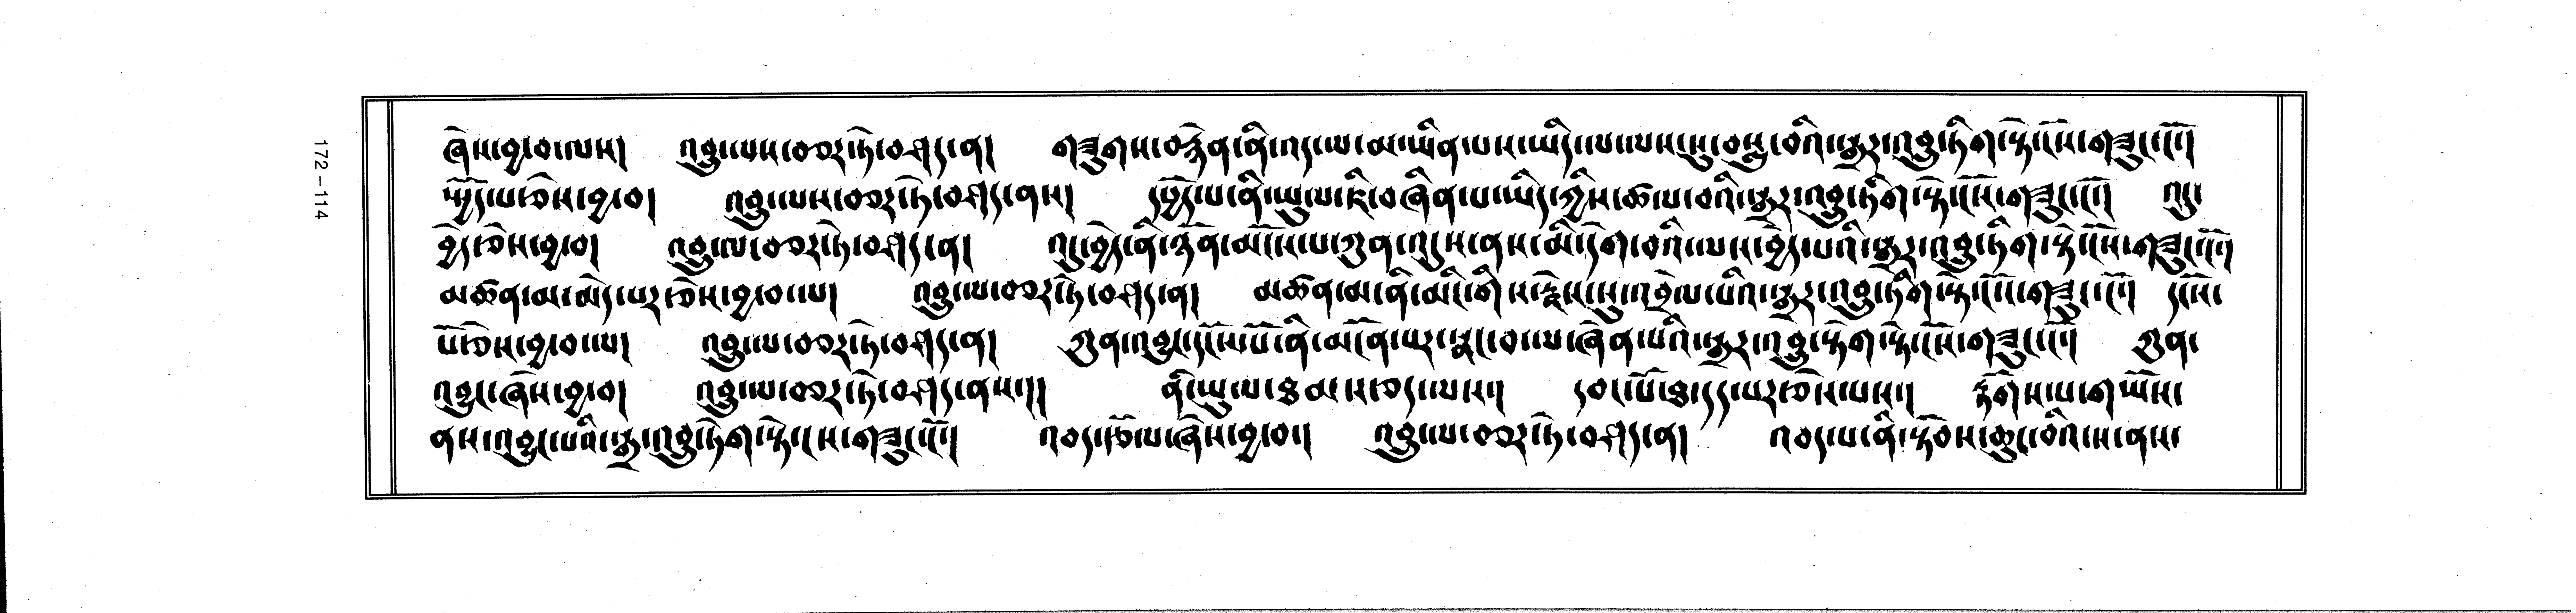ཞེས་བྱ་བ་ལས། འབྲུ་ལས་བཅར་ཏེ་བཤད་ན། གཟུགས་བརྙེན་ནི་འོད་ལ་མ་ཡིན་པས་ཡིད་ལ་ལས་སུ་བསླུ་བའི་འབྲུ་ཏིག་སྟེ་ངོས་གཟུངས་ངོ་། 
སྤྱོད་པ་ཅེས་བྱ་བ། འབྲུ་ལས་བཅར་ཏེ་བཤད་ནས། དཔྱོད་པ་ནི་ཡུལ་ཇི་བཞིན་པ་ཡིད་ཀྱིས་བཙལ་བའི་སྒྲར་འབྲུ་ཏིག་སྟེ་ངོས་གཟུང་ངོ་། འདུ་
བྱེད་ཅེས་བྱ་བ། འབྲུ་ལ་བཅར་ཏེ་བཤད་ན། འདུ་བྱེད་ནི་ཉོན་མོངས་པ་ཀུན་འདུས་ནས་མི་དགེ་བའི་ལས་བྱེད་པའི་སྒྲར་འབྲུ་ཏིག་སྟེ་ངོས་གཟུངས་ངོ་། 
མཚན་མ་མེད་པར་ཅིས་བྱ་བ་ལ། འབྲུ་ལ་བཅར་ཏེ་བཤད་ན། མཚན་མ་ནི་མིང་གིས་རྗེས་སུ་འབྲེལ་པའི་སྒྲར་འབྲུ་ཏིག་སྟེ་ངོས་གཟུངས་ངོ་། དངོས་
པོ་ཅེས་བྱ་བ་ལ། འབྲུ་ལ་བཅར་ཏེ་བཤད་ན། ཀུན་འབྱུང་དངོས་པོ་ནི་མངོན་པར་སྣང་བ་ལ་ཞེན་པའི་སྒྲར་འབྲུ་ཏིག་སྟེ་ངོས་གཟུངས་ངོ་། ཀུན་
འབྱུང་ཞེས་བྱ་བ། འབྲུ་ལ་བཅར་ཏེ་བཤད་ནས། ནི་ཡུལ་ཐམས་ཅད་ལས། དབང་པོ་ཐ་དད་པར་ཅེས་པས། རྟོགས་པ་གཡོས་
ནས་འབྱུང་པའི་སྒྲ་འབྲུ་ཏིག་སྟེ་ངོས་གཟུངས་ངོ་། འབད་རྩོལ་ཞེས་བྱ་བ། འབྲུ་ལ་བཅར་ཏེ་བཤད་ན། འབད་པ་ནི་སྟོབས་ཆུང་བའི་ས་